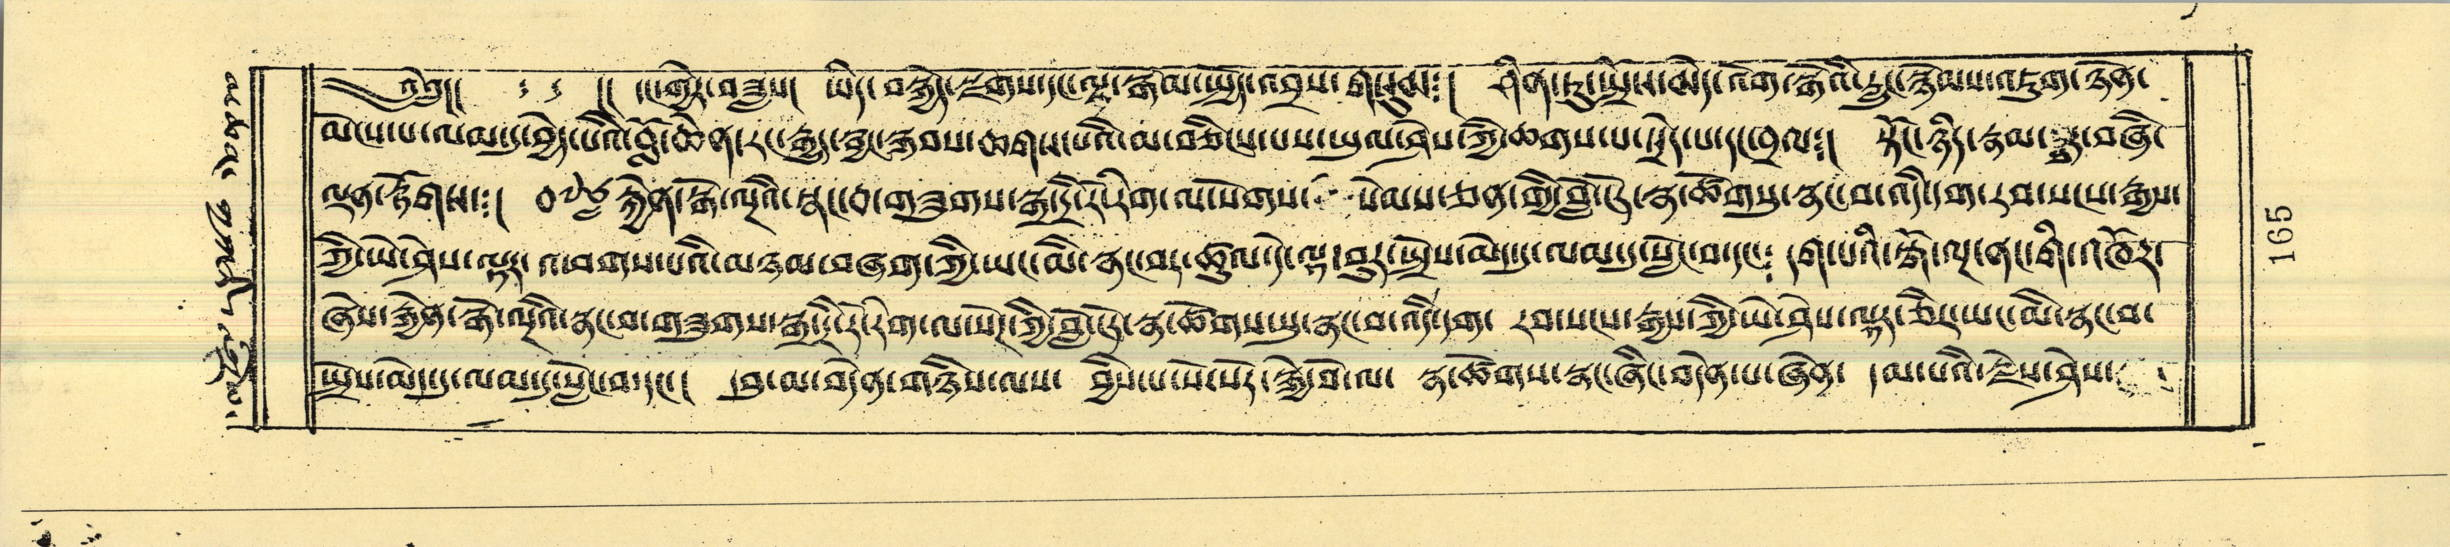དང་གྱེར་བཟླས། ཡིད་བསྐྱེད་རྫོགས་དང་ལྟ་སྒོམ་སྤྱོད་འབྲས་༼གསུམ༽༼ཤིན་ཏུ་སྤྲོས་མེད༽འོག་སྒོའི་རླུང་སྙོམས་འཇུག་ཉོན་
མོངས་པ་ལམ་དུ་བྱེད་པའི་༼བློ་ཆེན༽རང་རྒྱུད་སྦྱང་སྐབས་ ༼ཆགས་པས༽མ་བཅིང་པས་ཡུལ་ཤེས་ཀྱི་ཆགས་པ་༼སྲེད་པ་དང་བྲལ༽༼སྟོང་ཉིད༽རྣམ་ཐར་བཞི་
ལྡན་༼རྟོགས༽བ༧༦།༤༼རྐྱེན༽སྒོ་ལྔའི་༼སྣང་བ༽གཟུགས་སྒྲ་དྲི་རོ་རེག་ལ་སོགས་སེམས་ཅན་གྱི་བློ་ངོར་སྣ་ཚོགས་སུ་སྣང་བ་འདི་ག་རབ་སངས་རྒྱས་
ཀྱི་ཡེ་ཤེས་ལྟར་འཕགས་པའི་མཉམ་གཞག་ཀྱི་ཡང་མི་སྣང་བར་ཚུ་དེ་ལྟ་བུར་སྤྲོས་མེད་དུ་ལམ་དུ་སློང་བ་དང་།༼དག་པའི་སྒོ་ལྔ་ནང་གི་འཁོར༽
ཞེས་རྐྱེན་སྒོ་ལྔའི་སྣང་བ་གཟུགས་སྒྲ་དྲི་རོ་རེག་ལ་སོགས་ཀྱི་བློ་ངོར་སྣ་ཚོགས་སུ་སྣང་བ་འདི་དག་རབ་སངས་རྒྱས་ཀྱི་ཡེ་ཤེས་ལྟར་ཅིར་ཡང་མི་སྣང་བ་
སྤྲོས་མེད་དུ་ལམ་དུ་སློང་བ་དང་། དབུ་མ་བདེན་གཉིས་ལས་བྱིས་པ་སོ་སོར་སྐྱེ་བོ་ལ། སྣ་ཚོགས་སྣང་ཞིང་བདེན་པ་ཞེན། དམ་པའི་རྗེས་ཤེས་